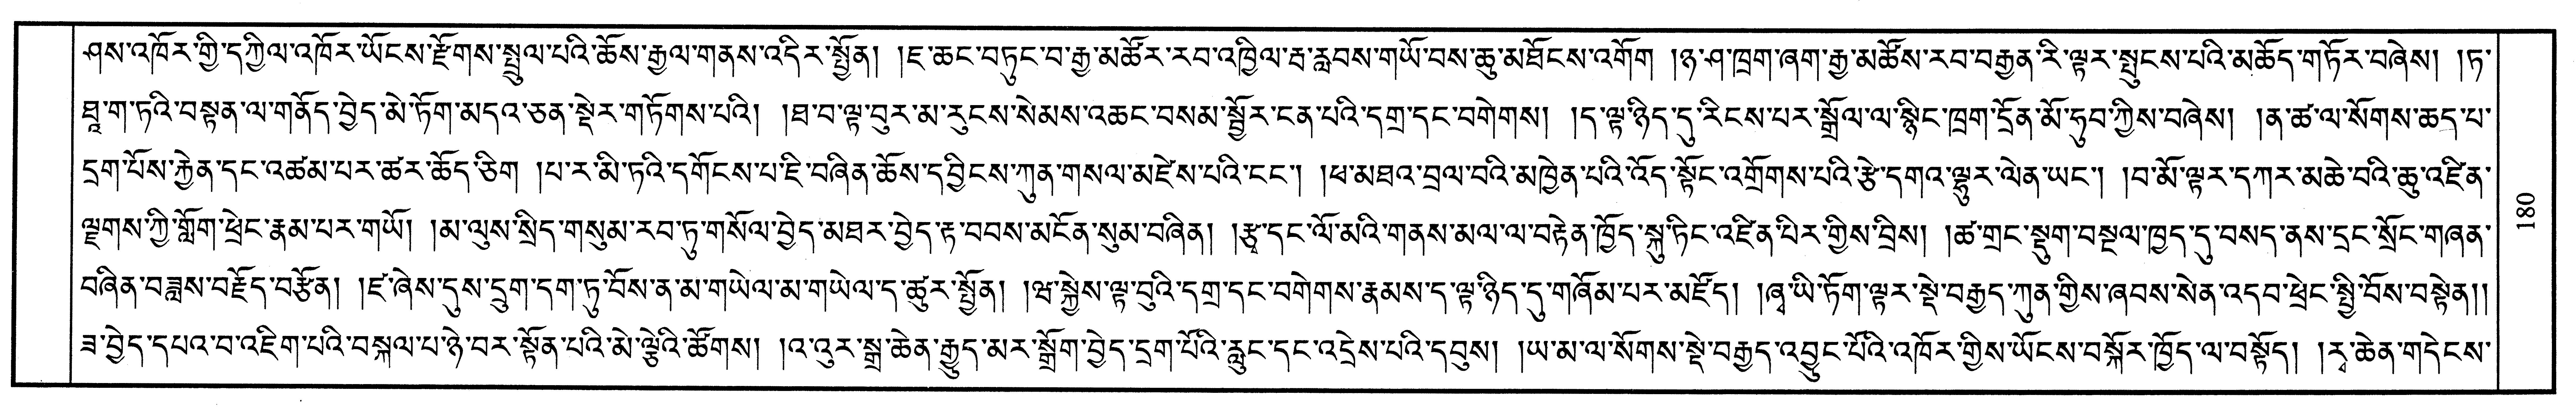ཤས་འཁོར་གྱི་དཀྱིལ་འཁོར་ཡོངས་རྫོགས་སྤྲུལ་པའི་ཆོས་རྒྱལ་གནས་འདིར་སྤྱོན། །ཇ་ཆང་བཏུང་བ་རྒྱ་མཚོར་རབ་འཁྱིལ་རྦ་རླབས་གཡོ་བས་ཆུ་མཐོངས་འགོག །ཉ་ཤ་ཁྲག་ཞག་རྒྱ་མཚོས་རབ་བརྒྱན་རི་ལྟར་སྤུངས་པའི་མཆོད་གཏོར་བཞེས། །ཏ་
ཐཱ་ག་ཏའི་བསྟན་ལ་གནོད་བྱེད་མེ་ཏོག་མདའ་ཅན་སྡེར་གཏོགས་པའི། །ཐ་བ་ལྟ་བུར་མ་རུངས་སེམས་འཆང་བསམ་སྦྱོར་ངན་པའི་དགྲ་དང་བགེགས། །ད་ལྟ་ཉིད་དུ་རིངས་པར་སྒྲོལ་ལ་སྙིང་ཁྲག་དྲོན་མོ་ཧུབ་ཀྱིས་བཞེས། །ན་ཚ་ལ་སོགས་ཆད་པ་
དྲག་པོས་རྐྱེན་དང་འཚམ་པར་ཚར་ཆོད་ཅིག །པ་ར་མི་ཏའི་དགོངས་པ་ཇི་བཞིན་ཆོས་དབྱིངས་ཀུན་གསལ་མཛེས་པའི་ངང་། །ཕ་མཐའ་བྲལ་བའི་མཁྱེན་པའི་འོད་སྟོང་འགྲོགས་པའི་རྩེ་དགའ་ལྷུར་ལེན་ཡང་། །བ་མོ་ལྟར་དཀར་མཆེ་བའི་ཆུ་འཛིན་ལྗགས་ཀྱི་གློག་
ཕྲེང་རྣམ་པར་གཡོ། །མ་ལུས་སྲིད་གསུམ་རབ་ཏུ་གསོལ་བྱེད་མཐར་བྱེད་རྟ་བབས་མངོན་སུམ་བཞིན། །རྩྭ་དང་ལོ་མའི་གནས་མལ་ལ་བརྟེན་ཁྱོད་སྐུ་ཏིང་འཛིན་པིར་གྱིས་བྲིས། །ཚ་གྲང་སྡུག་བསྔལ་ཁྱད་དུ་བསད་ནས་དྲང་སྲོང་གཞན་
བཞིན་བཟླས་བརྗོད་བརྩོན། །ཛ་ཞེས་དུས་དྲུག་དག་ཏུ་བོས་ན་མ་གཡེལ་མ་གཡེལ་ད་ཚུར་སྤྱོན། །ཝ་སྐྱེས་ལྟ་བུའི་དགྲ་དང་བགེགས་རྣམས་ད་ལྟ་ཉིད་དུ་གཞོམ་པར་མཛོད། །ཞྭ་ཡི་ཏོག་ལྟར་སྡེ་བརྒྱད་ཀུན་གྱིས་ཞབས་སེན་འདབ་ཕྲེང་སྤྱི་བོས་བསྟེན།།
ཟ་བྱེད་དཔའ་བ་འཇིག་པའི་བསྐལ་པ་ཉེ་བར་སྟོན་པའི་མེ་ལྕེའི་ཚོགས། །འ་འུར་སྒྲ་ཆེན་རྒྱུད་མར་སྒྲོག་བྱེད་དྲག་པོའི་རླུང་དང་འདྲེས་པའི་དབུས། །ཡ་མ་ལ་སོགས་སྡེ་བརྒྱད་འབྱུང་པོའི་འཁོར་གྱིས་ཡོངས་བསྐོར་ཁྱོད་ལ་བསྟོད། །རྭ་ཆེན་གདེངས་